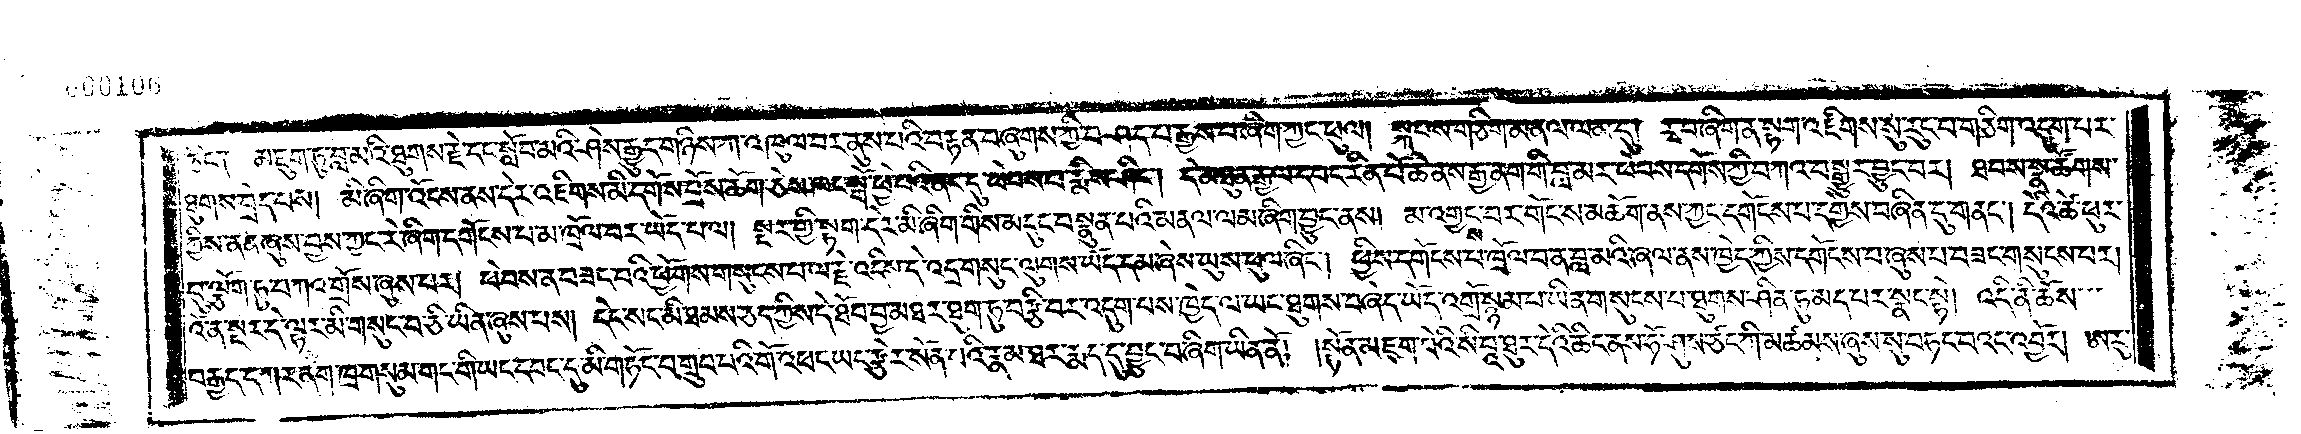ཅིང༑ མཇུག་ཏུ་བླ་མའི་ཐུགས་རྗེ་དང་སློབ་མའི་ཤེས་རྒྱུད་གཉིས་ཀ་འཁུལ་བར་ནུས་པའི་བརྟན་བཞུགས་ཀྱི་བཤད་པ་རྒྱས་པ་ཞིག་ཀྱང་ཕུལ། སྐབས་གཅིག་མནལ་ལམ་དུ། རྭ་བ་ཞིག་ན་སྟག་འཇིགས་སུ་རུང་པ་གཅིག་འདུག་པར་
ཐུགས་བྲེད་པས། མི་ཞིག་འོངས་ནས་དེར་འཇིགས་མི་དགོས་བྲོས་ཆོག་ཅེས་ཁང་སྒོ་ཕྱེ་བའི་ནང་དུ་ཕེབས་པ་རྨིས་ཤིང་། དེ་མཐུན་རྒྱལ་དབང་རིན་པོ་ཆེ་ནས་རྒྱ་ནག་གི་བླ་མར་ཕེབས་དགོས་ཀྱི་བཀའ་བསྒྱུར་བྱུང་བར། ཐབས་སྣ་ཚོགས་
ཀྱིས་ནན་ཞུས་བྱས་ཀྱང་རེ་ཞིག་དགོངས་པ་མ་ཁྲོལ་བར་ཡོད་པ་ལ། སྔར་གྱི་སྟག་དེར་མི་ཞིག་གིས་མ་དུང་བསྣུན་པའི་མནལ་ལམ་ཞིག་བྱུང་ནས། མ་འགྱངས་བར་གོང་ས་མཆོག་ནས་ཀྱང་དགོངས་པ་དགྱེས་བཞིན་དུ་གནང་། དེའི་ཚེ་ཕུར་
བུ་ལྕོག་ཏུ་བཀའ་གྲོས་ཞུས་པར། ཕེབས་ན་བཟང་བའི་ཕྱོགས་གསུངས་པ་ལ་རྗེ་འདིས་དེ་འདྲ་གསུང་ལུགས་ཡོད་དམ་ཞེས་ཡུས་ཕུལ་ཞིང་། ཕྱིས་དགོངས་པ་ཁྲོལ་བ་ན་བླ་མའི་ཞལ་ནས་ཁྱེད་ཀྱིས་དགོངས་པ་ཞུས་པ་བཟང་གསུངས་པར།
འོ་ན་སྔར་དེ་ལྟར་མི་གསུང་བ་ཅི་ཡིན་ཞུས་པས། དེང་སང་མི་ཐམས་ཅད་ཀྱིས་དེ་ཐོབ་བྱ་མཐར་ཐུག་ཏུ་བརྩི་བར་འདུག་པས་ཁྱེད་ལ་ཡང་ཐུགས་བཞེད་ཡོད་འགྲོ་སྙམ་པ་ཡིན་གསུངས་པ་ཐུགས་ཤིན་ཏུ་མད་པར་སྣང་སྟེ། འདི་ནི་ཆོས་
བརྒྱད་དཀར་ནག་ཁྲ་གསུམ་གང་གི་ཡང་དབང་དུ་མི་གཏོང་བ་གྲུབ་པའི་གོ་འཕང་ཡང་རྩེར་སོན་པའི་རྣམ་ཐར་རྨད་དུ་བྱུང་བ་ཞིག་ཡིན་ནོ། །སྟོན་མཇུག་པའི་སི་བཱ་ཐུར་དེའི་ཆིང་ནས་ཧོ་ཤུས་ཙང་ཀི་མཚམས་ཞུས་སུ་བཏང་བའང་འབྱོར། ཨ་རུ་